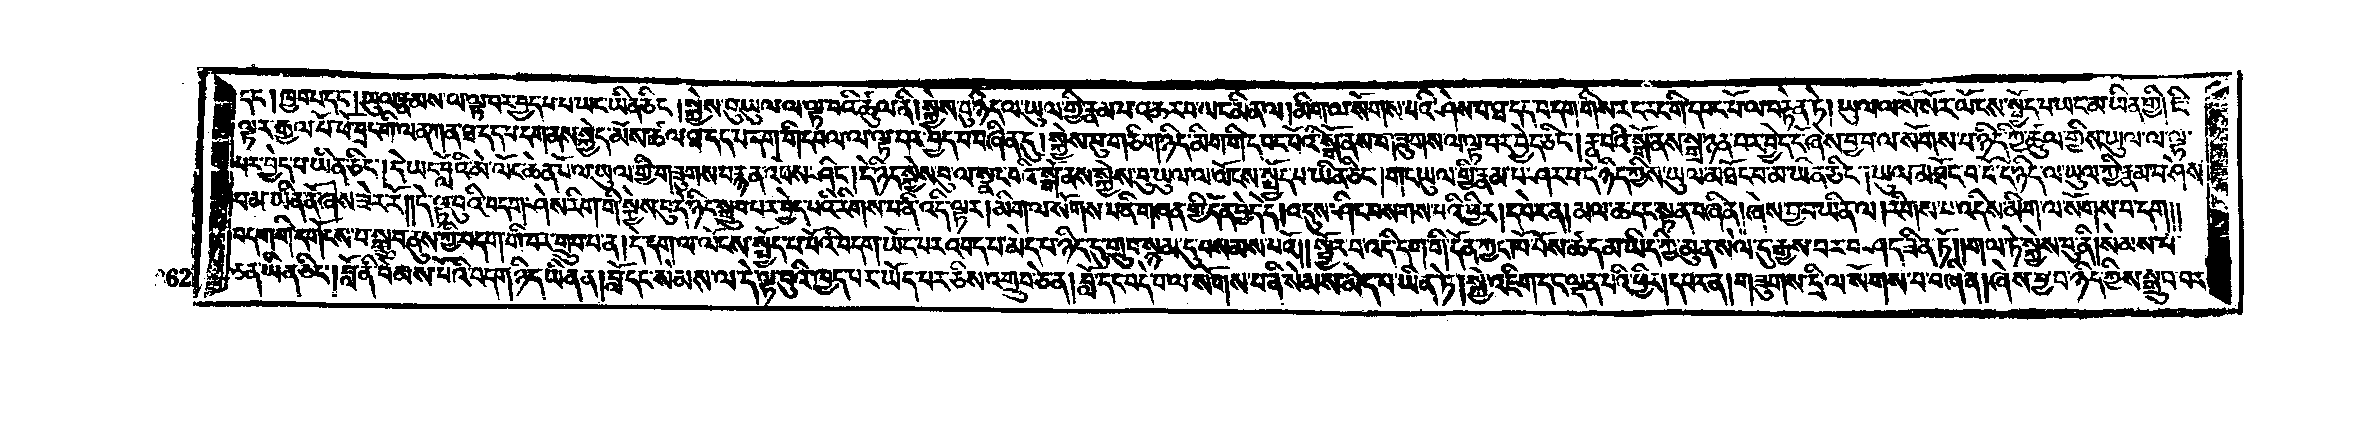དང་། ཁྱབ་པ་དང་། ཡུལ་རྣམས་ལ་ལྟ་བར་བྱེད་པ་པ་ཡང་ཡིན་ཅིང་། སྐྱེས་བུ་ཡུལ་ལ་ལྟ་བའི་ཚུལ་ནི། སྐྱེས་བུ་ཉིད་ལ་ཡུལ་གྱི་རྣམ་པ་འཆར་བ་ཡང་མིན་ལ། མིག་ལ་སོགས་པའི་ཤེས་པ་ཐ་དད་བདག་གིས་རང་རང་གི་དབང་པོ་ལ་བརྟེན་ཏེ། ཡུལ་ལ་སོ་སོར་ལོངས་སྤྱོད་པ་ཡང་མ་ཡིན་གྱི། ཇི་
ལྟར་རྒྱལ་པོ་ཕོ་བྲང་གི་ལན་ཀན་ཐ་དད་པ་དག་ནས་ཀྱེད་མོས་ཚལ་ཐ་དད་པ་དག་གི་དཔལ་ལ་ལྟ་བར་བྱེད་པ་བཞིན་དུ། སྐྱེས་བུ་གཅིག་ཉིད་མིག་གི་དབང་པོའི་སྒོ་ནས་གཟུགས་ལ་ལྟ་བར་བྱེད་ཅིང་། རྣ་བའི་སྒོ་ནས་སྒྲ་ཉན་པར་བྱེད་དོ་ཞེས་བྱ་བ་ལ་སོགས་པ་ཉིད་ཀྱི་ཚུལ་གྱིས་ཡུལ་ལ་ལྟ་
པར་བྱེད་པ་ཡིན་ཅིང་། དེ་ཡང་བློའི་མེ་ལོང་ཆེན་པོ་ལ་ཡུལ་གྱི་གཟུགས་བརྙན་འཕེས་ཤིང་། དེ་ཉིད་སྐྱེས་བུ་ལ་སྣང་བའི་སྒོ་ནས་སྐྱེས་བུ་ཡུལ་ལ་ལོངས་སྤྱོད་པ་ཡིན་ཅིང་། གང་ཡུལ་གྱི་རྣམ་པ་ཤར་བ་དེ་ཉིད་ཀྱིས་ཡུལ་མཐོང་བ་མ་ཡིན་ཅིང་། ཡུལ་མཐོང་བ་པོ་དེ་ཉིད་ལ་ཡུལ་ཀྱི་རྣམ་བ་ཤེས་
པ་མ་ཡིན་ནོ་ཞེས་ཟེར་རོ། །དེ་ལྟ་བུའི་བདག་ཤེས་རིག་གི་སྐྱེས་བུ་དེ་ཉིད་སྒྲུབ་པར་བྱེད་པའི་རིགས་པ་ནི་འདི་ལྟར། མིག་ལ་སོགས་པ་ནི་གཞན་གྱི་དོན་བྱེད་དེ། འདུས་ཤིང་བསགས་པའི་ཕྱིར། དཔེར་ན། མལ་ཆ་དང་སྟན་གཞིན། ཞེས་བྱ་བ་ཡིན་ལ། རིགས་པ་འདིས་མིག་ལ་སོགས་པ་དག།།
བདག་གི་དགོངས་པ་སྒྲུབ་ནུས་ཀྱི་བདག་གི་བར་གྲུབ་པ་ན། དེ་དག་ལ་ལོངས་སྤྱོད་པ་པོའི་བདག་ཡོད་པར་འབད་པ་མེད་པ་ཉིད་དུ་གྲུབ་སྙམ་དུ་བསམས་པའོ། །སྦྱོར་བ་འདི་དག་གི་དོན་ཀྱང་ཁོ་བོས་ཚད་མ་ཡིད་ཀྱི་མུན་སེལ་དུ་རྒྱས་པར་བཤད་ཟིན་ཏོ། །གལ་ཏེ་སྐྱེས་བུ་ནི། སེམས་པ་
ཅན་ཡིན་ཅིང་། བློ་ནི་བེམས་པོའི་བདག་ཉིད་ཡིན་ན། བློ་དང་སེམས་ལ་དེ་ལྟ་བུའི་ཁྱད་པར་ཡོད་པར་ཅིས་འགྲུབ་ཅེ་ན། བློ་དང་བདེ་བ་ལ་སོགས་པ་ནི་སེམས་མེད་པ་ཡིན་ཏེ། སྐྱེ་འཇིག་དང་ལྡན་པའི་ཕྱིར། དཔེར་ན། གཟུགས་དྲི་ལ་སོགས་པ་བཞིན། ཞེས་བྱ་བ་ཉིད་ཀྱིས་སྒྲུབ་པར་